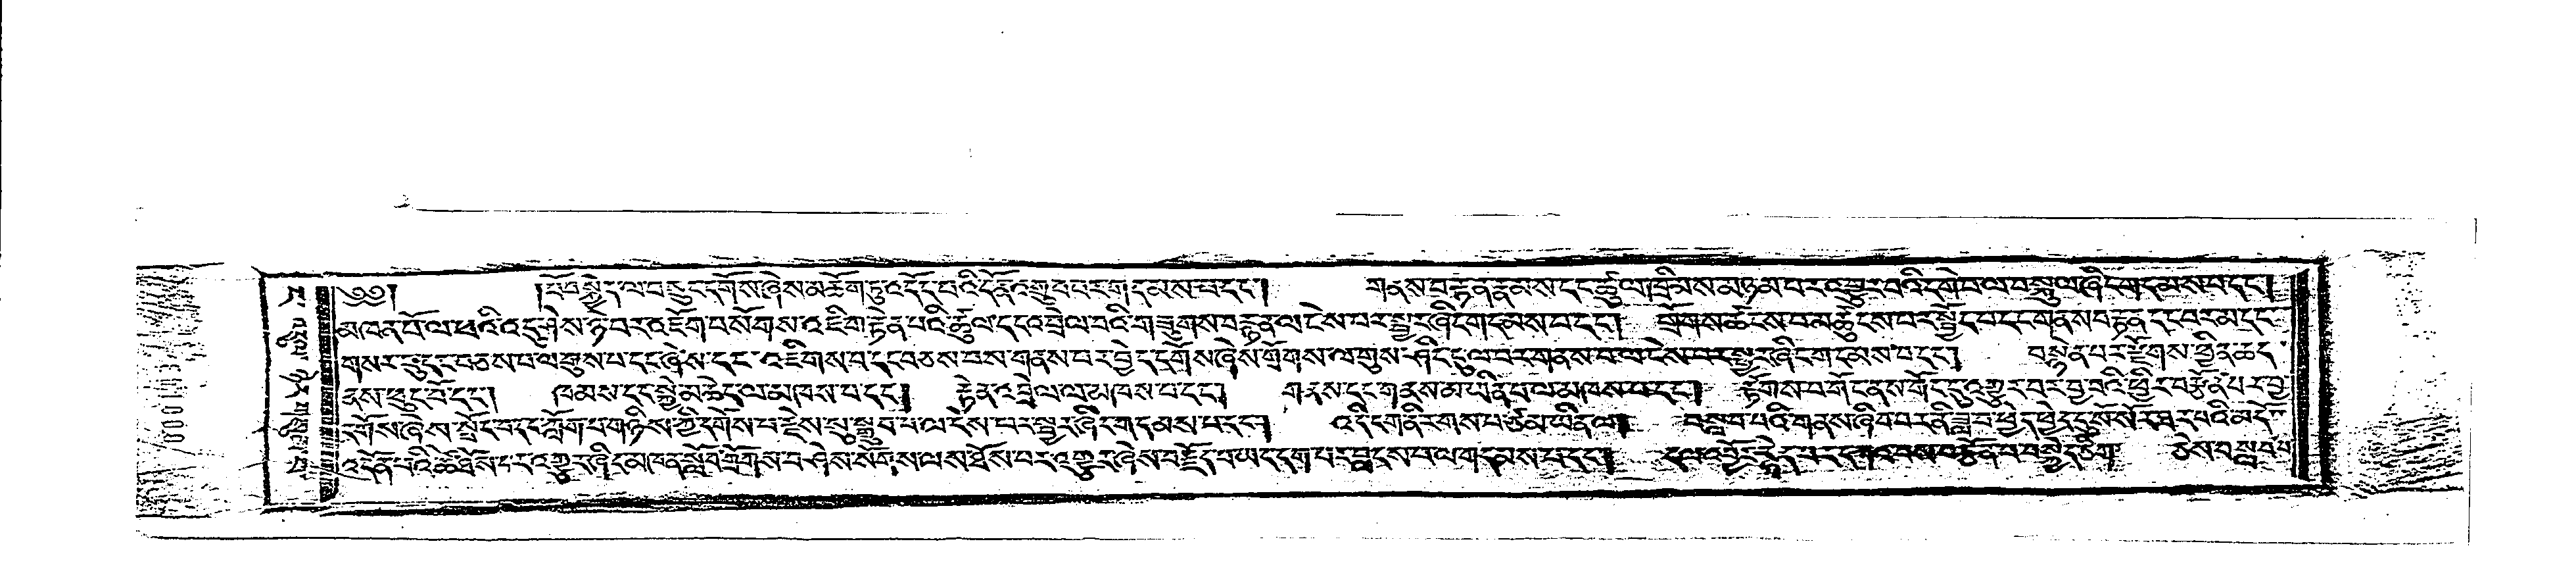༄༅། །པོ་བསྐྱེད་ལ་བསྲུང་དགོས་ཞེས་མཆོག་ཏུ་འདོད་པའི་དོན་འགྲུབ་བར་གདམས་པ་དང་། གནས་བརྟན་རྣམས་དང་ཚུལ་ཁྲིམས་མཉམ་པར་འགྱུར་བའི་དགེ་བ་ལ་བསྐུལ་ཞིང་གདམས་པ་དང་།
མཁན་པོ་ལ་ཕའི་འདུ་ཤེས་ཉེ་བར་འཇོག་པ་སོགས་འཇིག་རྟེན་པའི་ཚུལ་དང་འབྲེལ་བའི་གཟུགས་བརྙན་ལ་ངེས་པར་སྦྱར་ཞིང་གདམས་པ་དང་། གྲོགས་ཚངས་པ་མཚུངས་པར་སྦྱོང་བ་དང་གནས་བརྟན་དང་བར་མ་དང་
གསར་དུ་དང་བཅས་པ་ལ་གུས་པ་དང་ཞེས་དང་འཇིགས་པ་དང་བཅས་པས་གནས་པར་བྱེད་དགོས་ཞེས་གྲོགས་ལ་གུས་ཤིང་དུ་ལ་བར་གནས་པ་ལ་ངེས་པར་སྦྱར་ཞིང་གདམས་པ་དང་། བསྙེན་པར་རྫོགས་ཕྱིན་ཆད་
ནས་ཕུང་པོ་དང་། ཁམས་དང་སྐྱེ་མཆེད་ལ་མཁས་པ་དང་། རྟེན་འབྲེལ་ལ་མཁས་པ་དང་། གནས་དང་གནས་མ་ཡིན་པ་ལ་མཁས་པ་དང་། རྟོགས་པ་གོང་ནས་གོང་དུ་འགྱུར་བར་བྱ་བའི་ཕྱིར་བརྩོན་པར་བྱ་
དགོས་ཞེས་སྤོང་བ་དང་ཀློག་པ་གཉིས་ཀྱི་དགོས་པ་རྗེས་སུ་སྒྲུབ་པ་ལ་ངེས་པར་སྦྱར་ཞིང་གདམས་པ་དང་། འདི་དག་ནི་རགས་པ་ཙམ་ཡིན་ལ། བསླབ་པའི་གནས་ཞིབ་པར་ནི་ཟླ་བ་ཕྱེད་ཕྱེད་དུ་སོ་སོར་ཐར་པའི་མདོ་
འདོན་པའི་ཚེ་ཐོས་པར་འགྱུར་ཞིང་མཁན་སློབ་གྲོགས་བཤེས་སོགས་ལས་ཐོས་པར་འགྱུར་ཞེས་བརྗོད་པ་ཡང་དག་པར་བླངས་པ་ལ་གདམས་པ་དང་། དལ་འབྱོར་རྙེད་པར་དཀའ་བས་བརྩོན་པ་བསྐྱེད་ཅིག་ཅེས་བསླབ་པ་